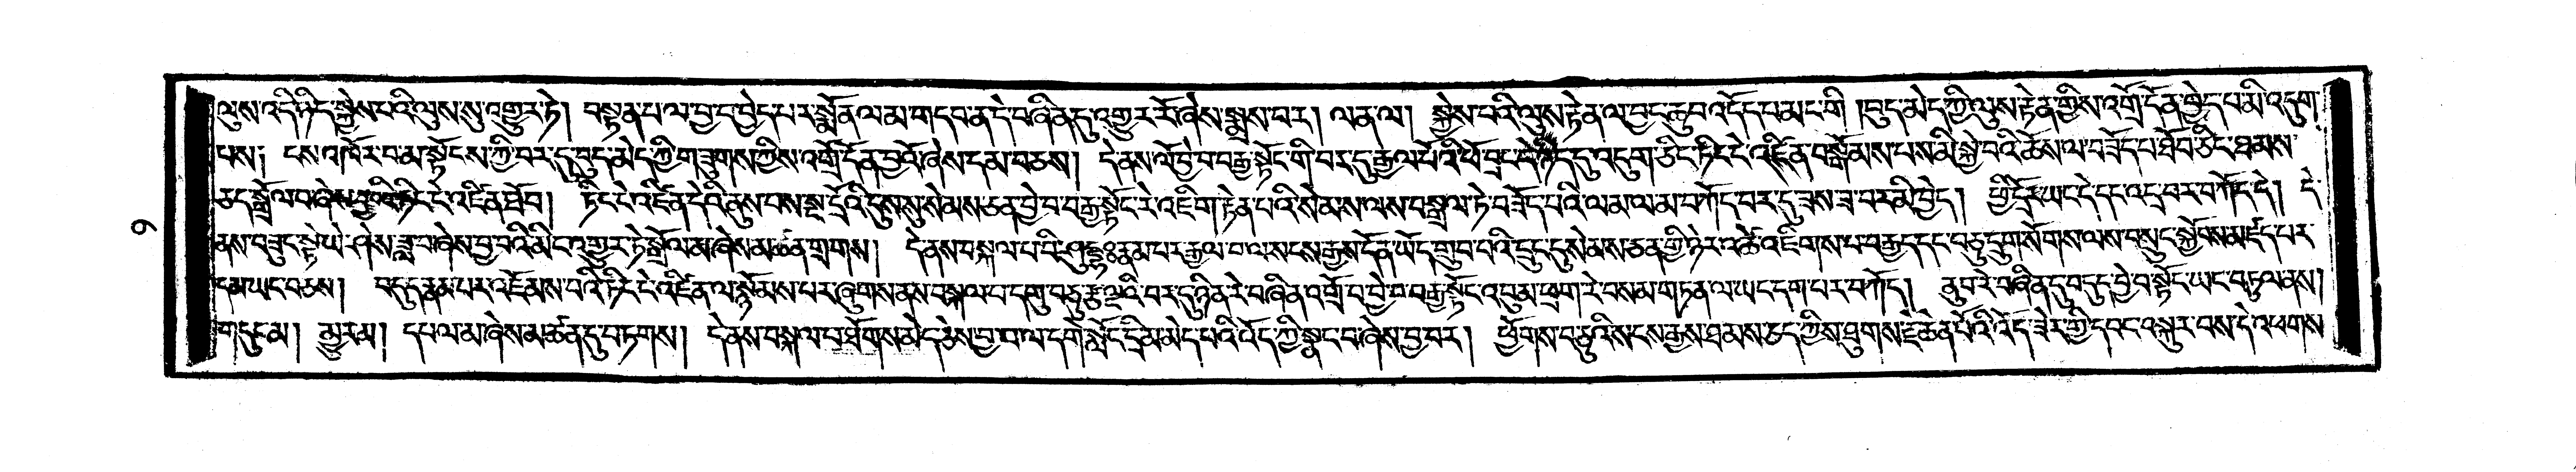ལུས་འདི་ཉིད་སྐྱེས་པའི་ལུས་སུ་གྱུར་ཏེ། བསྟན་པ་ལ་བྱ་བ་བྱེད་པར་སྨོན་ལམ་བཏབ་ན་དེ་བཞིན་དུ་འགྱུར་རོ་ཞེས་སྨྲས་པར། ལན་ལ། སྐྱེས་པའི་ལུས་རྟེན་ལ་བྱང་ཆུབ་འདོད་པ་མང་གི །བུད་མེད་ཀྱི་ལུས་རྟེན་གྱིས་འགྲོ་དོན་བྱེད་པ་མི་འདུག་
བས༑ ངས་འཁོར་བ་མ་སྟོངས་ཀྱི་བར་དུ་བུད་མེད་ཀྱི་གཟུགས་ཀྱིས་འགྲོ་དོན་བྱའོ་ཞེས་དམ་བཅས། དེ་ནས་ལོ་བྱེ་བ་བརྒྱ་སྟོང་གི་བར་དུ་རྒྱལ་པོའི་ཕོ་བྲང་དེ་ཉིད་དུ་འདུག་ཅིང་ཏིང་ངེ་འཛིན་བསྒོམས་པས་མི་སྐྱེ་བའི་ཆོས་ལ་བཟོད་པ་ཐོབ་ཅིང་ཐམས་
ཅད་སྒྲོལ་བ་ཞེས་བྱ་བའི་ཏིང་ངེ་འཛིན་ཐོབ། ཏིང་ངེ་འཛིན་དེའི་ནུས་པས་སྔ་དྲོའི་དུས་སུ་སེམས་ཅན་བྱེ་བ་བརྒྱ་སྟོང་རེ་འཇིག་རྟེན་པའི་སེམས་ལས་བསྒྲལ་ཏེ་བཟོད་པའི་ལམ་ལ་མ་བཀོད་བར་དུ་ཟས་ཟ་བར་མི་བྱེད། ཕྱི་དྲོར་ཡང་དེ་དང་འདྲ་བར་བཀོད་དེ། དེ་
ནས་བཟུང་སྟེ་ཡེ་ཤེས་ཟླ་བ་ཞེས་བྱ་བའི་མིང་འགྱུར་ཏེ་སྒྲོལ་མ་ཞེས་མཚན་གྲགས། དེ་ནས་བསྐལ་པ་བི་ཤུདྡྷཿརྣམ་པར་རྒྱལ་བ་ལ་སངས་རྒྱས་དོན་ཡོད་གྲུབ་པའི་དྲུང་དུ་སེམས་ཅན་གྱི་ཉེར་འཚེ་འཇིགས་པ་བརྒྱད་དང་བཅུ་དྲུག་སོགས་ལས་བསྲུང་སྐྱོབ་མཛད་པར་
དམ་ཡང་བཅས། བདུད་རྣམ་པར་འཇོམས་པའི་ཏིང་ངེ་འཛིན་ལ་སྙོམས་པར་ཞུགས་ནས་བསྐལ་པ་དགུ་བཅུ་རྩ་ལྔའི་བར་དུ་ཉིན་རེ་བཞིན་འགྲོ་བ་བྱེ་བ་བརྒྱ་སྟོང་འབུམ་ཕྲག་རེ་བསམ་གཏན་ལ་ཡང་དག་པར་བཀོད། ནུབ་རེ་བཞིན་དུ་བདུད་བྱེ་བ་སྟོང་ཡང་བཏུལ་ནས།
གདུང་མ། མྱུར་མ། དཔལ་མ་ཞེས་མཚན་དུ་བཏགས། དེ་ནས་བསྐལ་བ་ཐོགས་མེད་ཅེས་བྱ་བ་ལ་དགེ་སློང་དྲི་མ་མེད་པའི་འོད་ཀྱི་སྣང་བ་ཞེས་བྱ་བར། ཕྱོགས་བཅུའི་སངས་རྒྱས་ཐམས་ཅད་ཀྱིས་ཐུགས་རྗེ་ཆེན་པོའི་འོད་ཟེར་གྱི་དབང་བསྐུར་བས་དེ་འཕགས་